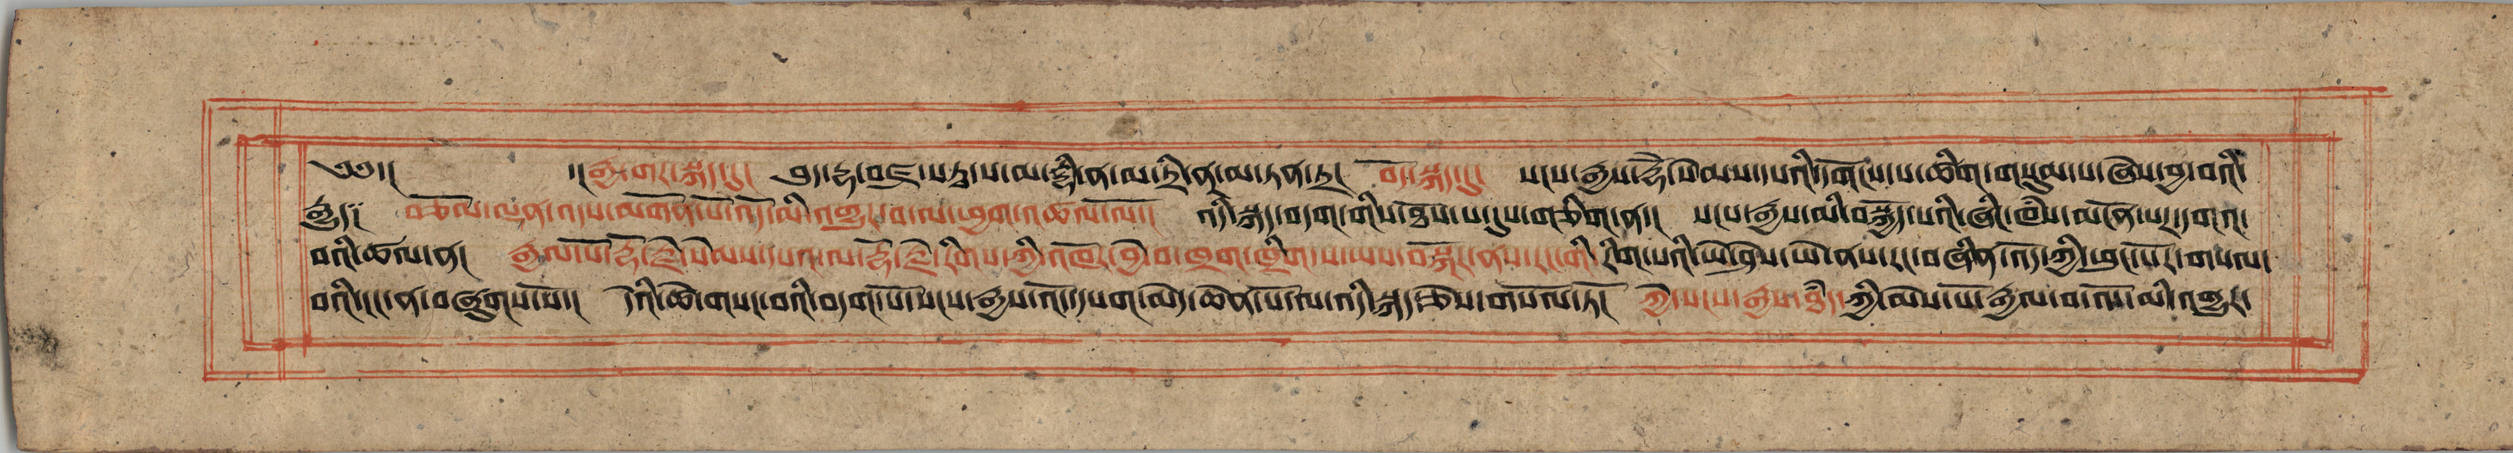༄༅་། ་།རྒྱ་གར་སྐད་དུ། བུད་དྷ་བཛྲ་སཏྭ་ས་མ་དྷི་ན་མ་ཏྲི་ནཱ་མ་ཏན་ཏྲ། བོད་སྐད་དུ་ སངས་རྒྱས་རྡོཻ་སེམས་དཔའི་དགོངས་པ་ཚིག་གསུམ་པ་ཞེས་བྱ་བའི་
རྒྱུད༑ བཅོམ་ལྡན་འདས་མགོན་པོ་འོད་མི་འགྱུར་བ་ལ་ཕྱག་འཚལ་ལོ་། འདི་སྐད་བདག་གིས་ཐོས་པ་དུས་གཅིག་ན་། སངས་རྒྱས་མི་བསྐྱོད་པའི་ཞིང་ཁཾས་མངོན་པར་དགའ་།
བའི་ཚལ་ན། རྒྱལ་པོ་རྡོ་རྗེ་སེམས་དཔའ་ལ་རྡོ་རྗེ་རིགས་ཀྱི་འཁོར་བྱེ་བ་ཁྲག་ཁྲིག་པ་ཡས་བསྐོར་ནས་རང་གི་རིག་པའི་ཡེ་ཤེས་ཡེ་ནས་རང་བཞིན་འོད་ཀྱི་ཕུང་པོར་གསལ་
བའི་ངང་ན་བཞུགས་སོ་། དེའི་ཚེ་གསང་བའི་བདག་པོ་སངས་རྒྱས་འོད་དཔག་མེད་ཆེན་པོ་ལ་འདི་་སྐད་ཅེས་གསོལ་ཏོ། ཀྱེ་སངས་རྒྱས་ཐདཾ་ཀྱི་མེས་པོ་རྒྱལ་བ་འོད་མི་འགྱུར་